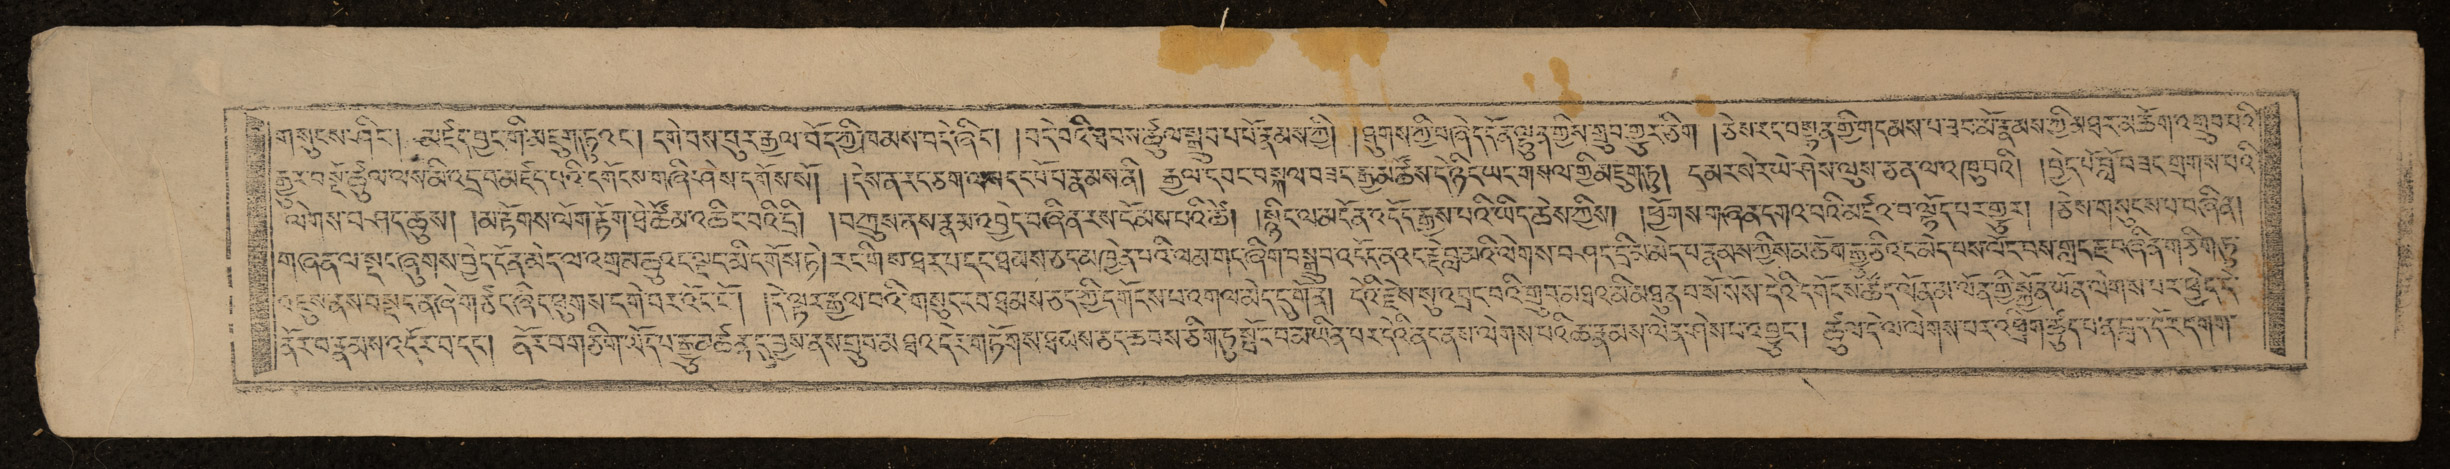གསུངས་ཤིང་། མཛད་བྱང་གི་མཇུག་ཏུ་འང་། དགེ་བས་བུར་རྒྱལ་བོད་ཀྱི་ཁམས་བདེ་ཞིང་། །བདེ་བའི་ཐབས་ཚུལ་སྒྲུབ་པ་པོ་རྣམས་ཀྱི། །ཐུགས་ཀྱི་བཞེད་དོན་ལྷུན་གྱིས་གྲུབ་གྱུར་ཅིག །ཅེས་རང་བསྟན་གྱི་གདམས་བ་ཟབ་མོ་རྣམས་ཀྱི་མཐར་མཆོག་འགྲུབ་པའི་
རྒྱུར་བསྔོ་ཚུལ་ལས་མི་འདྲ་བ་མཛད་པའི་དགོངས་གཞི་ཤེས་དགོས་སོ། །དེས་ན་རང་ཅག་ལས་དང་པོ་བ་རྣམས་ནི། རྒྱལ་དབང་བསྐལ་བཟང་རྒྱ་མཚོས་དེ་ཉིད་ཡང་གསལ་གྱི་མཇུག་ཏུ། དམར་སེར་ཡེ་ཤེས་ལུས་ཅན་ལ་འཁུ་བའི། །བྱེད་པོ་བློ་བཟང་གྲགས་པའི་
ལེགས་བཤད་ཆུས། །མ་རྟོགས་ལོག་རྟོག་ཐེ་ཚོམ་འཆིང་བའི་དྲི། །བཀྲུས་ནས་རྣམ་འབྱེད་བཞིན་རས་ངོམས་པའི་ཚེ། །སྙིང་ལ་མངོན་འདོད་རྒྱས་པའི་ཡིད་ཆེས་ཀྱིས། །ཕྱོགས་གཞན་དགའ་བའི་མཛའ་བ་ལྷོད་པར་གྱུར། །ཅེས་གསུངས་པ་བཞིན།
གཞན་ལ་སྡང་ཞུགས་བྱེད་དོན་མེད་ལ་འགྲམ་ཆུའང་ལྡང་མི་དགོས་ཏེ། རང་གིས་ཐར་པ་དང་ཐམས་ཅད་མཁྱེན་པའི་ལམ་གང་ཞིག་བསྒྲུབ་འདོད་ནའང་རྗེ་བླ་མའི་ལེགས་བཤད་དྲི་མ་མེད་པ་རྣམས་ཀྱིས་མཆོག་རྒྱུ་ཅིའང་མེད་བས་ལོང་བས་གླང་རྔ་བཞིན་གཅིག་ཏུ་
འཇུས་ནས་བསྡད་ན་ཞེ་གཙང་ཞིང་ཕུགས་དགེ་བར་འོང་ངོ། །དེ་ལྟར་རྒྱལ་བའི་གསུང་རབ་ཐམས་ཅད་ཀྱི་དགོངས་པ་འགལ་མེད་དུ་གོ་ན། དེའི་རྗེས་སུ་འབྲང་བའི་གྲུབ་མཐའ་མི་མཐུན་པ་སོ་སོས་དེའི་དགོངས་ཚོད་ལོ་ནམ་ལོན་གྱི་སྐྱོན་ཡོན་ལེགས་པར་ཕྱེད་དེ་
ནོར་བ་རྣམས་འདོར་བ་དང་། ནོར་བ་གཅིག་ཡོད་པ་རྒྱུ་མཚན་དུ་བྱས་ནས་གྲུབ་མཐའ་དེར་གཏོགས་ཐམས་ཅད་ཆངས་ཅིག་ཏུ་སྤོང་བ་མ་ཡིན་བར་དེའི་ནང་ནས་ལེགས་བའི་ཆ་རྣམས་ལེན་ཤེས་པ་འབྱུང་། ཚུལ་དེ་ལ་ལེགས་པར་འཕྲིག་ཚུད་པ་ན་བླང་དོར་དགག་